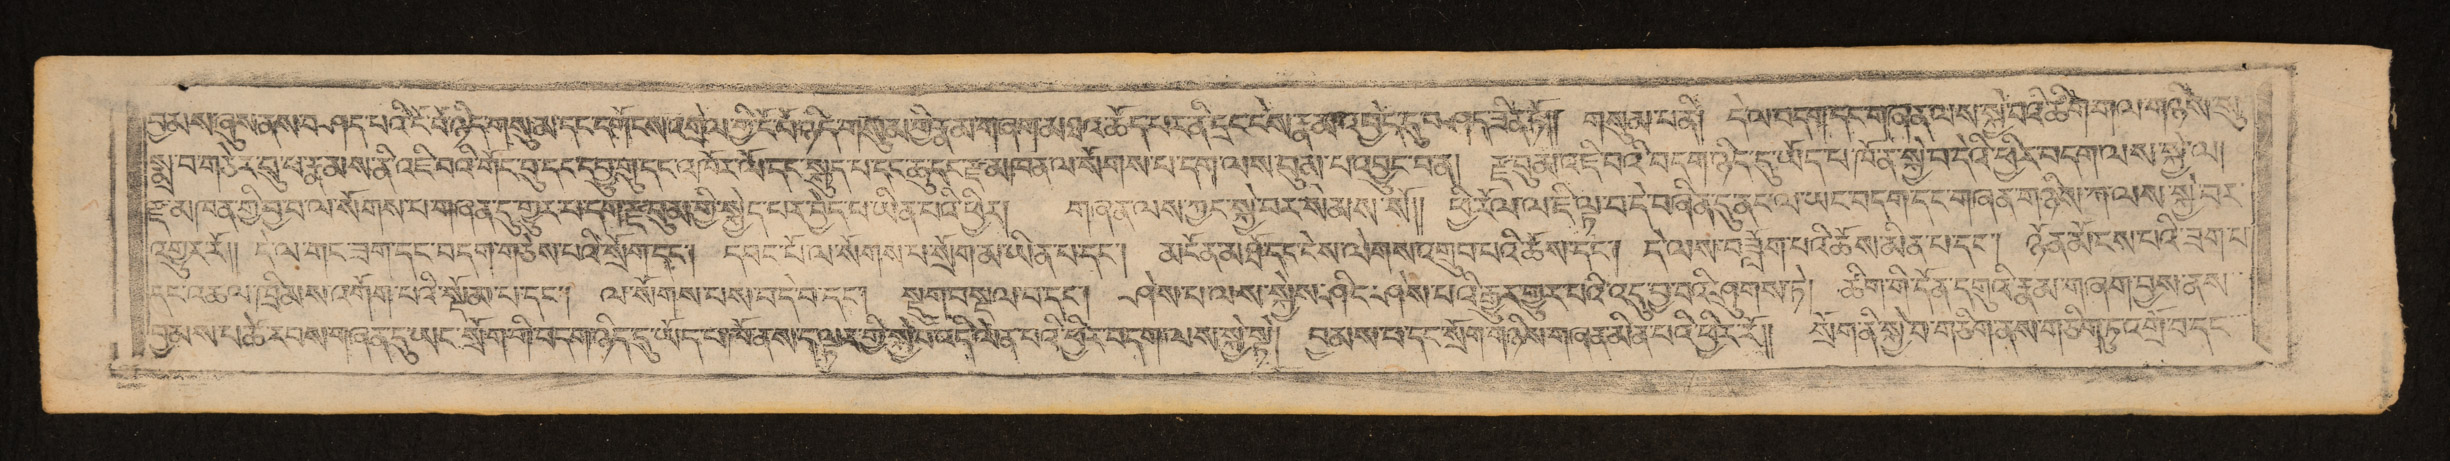བྱམས་ཞུས་ནས་བཤད་པའི་ངོ་བོ་ཉིད་གསུམ་དང་དགོངས་འགྲེལ་གྱི་ངོ་བོ་ཉིད་གསུམ་གྱི་རྣམ་གཞག་མཐའ་ཆོད་པར་ནི་དྲང་ངེས་རྣམ་འབྱེད་དུ་བཤད་ཟིན་ཏོ།། གསུམ་པ་ནི། དེ་ལ་བདག་དང་གཞན་ལས་སྐྱེ་བའི་ཚིག་གལ་གཉིས་སུ་
སྨྲ་བ་གཅེར་བུ་པ་རྣམས་ནི་འཇི་བའི་གོང་བུ་དང་དབྱུ་གུ་དང་འཁོར་ལོ་དང་སྐུད་པ་དང་ཆུ་དང་རྫ་མཁན་ལ་སོགས་པ་དག་ལས་བུམ་པ་འབྱུང་བ་ན། རྫ་བུམ་འཇི་བའི་བདག་ཉིད་དུ་ཡོད་པ་ཁོ་ན་སྐྱེ་བ་དེའི་ཕྱིར་བདག་ལས་སྐྱེ་ལ།
རྫ་མཁན་གྱི་བྱ་བ་ལ་སོགས་པ་གཞན་དུ་གྱུར་པ་དག་རྫ་བུམ་གྱི་སྐྱེད་པར་བྱེད་པ་ཡིན་པའི་ཕྱིར། གཞན་ལས་ཀྱང་སྐྱེ་བར་སེམས་སོ།། ཕྱི་རོལ་ལ་ཇི་ལྟ་བ་དེ་བཞིན་དུ་ནང་ལ་ཡང་བདག་དང་གཞན་གཉིས་ཀ་ལས་སྐྱེ་བར་
འགྱུར་རོ།། དེ་ལ་གང་ཟག་དང་བདག་གཅེས་པའི་སྲོག་དང་། དབང་པོ་ལ་སོགས་པ་སྲོག་མ་ཡིན་པ་དང་། མངོན་མཐོ་དང་ངེས་ལེགས་འགྲུབ་པའི་ཆོས་དང་། དེ་ལས་བཟློག་པའི་ཆོས་མིན་པ་དང་། ཉོན་མོངས་པའི་ཟག་པ་
དང་འཆལ་ཁྲིམས་འགོག་པའི་སྡོམ་པ་དང་། ལ་སོགས་པས་བདེ་བ་དང་། སྡུག་བསྔལ་བ་དང་། ཤེས་པ་ལས་སྐྱེས་ཤིང་ཤེས་པའི་རྒྱུར་གྱུར་པའི་འདུ་བྱ་བའི་ཤུགས་ཏེ། ཚིག་གི་དོན་དགུའི་རྣམ་གཞག་བྱས་ནས་
བྱམས་པ་ཚེ་རབས་གཞན་དུ་ཡང་སྲོག་གི་བདག་ཉིད་དུ་ཡོད་པ་ཁོ་ནས་ད་ལྟར་གྱི་སྐྱེ་བ་འདི་ལེན་པའི་ཕྱིར་བདག་ལས་སྐྱེ་སྟེ། བྱམས་པ་དང་སྲོག་གཉིས་གཞན་མིན་པའི་ཕྱིར་རོ།། སྲོག་ནི་སྐྱེ་བ་གཅིག་ནས་གཅིག་ཏུ་འགྲོ་བ་དང་